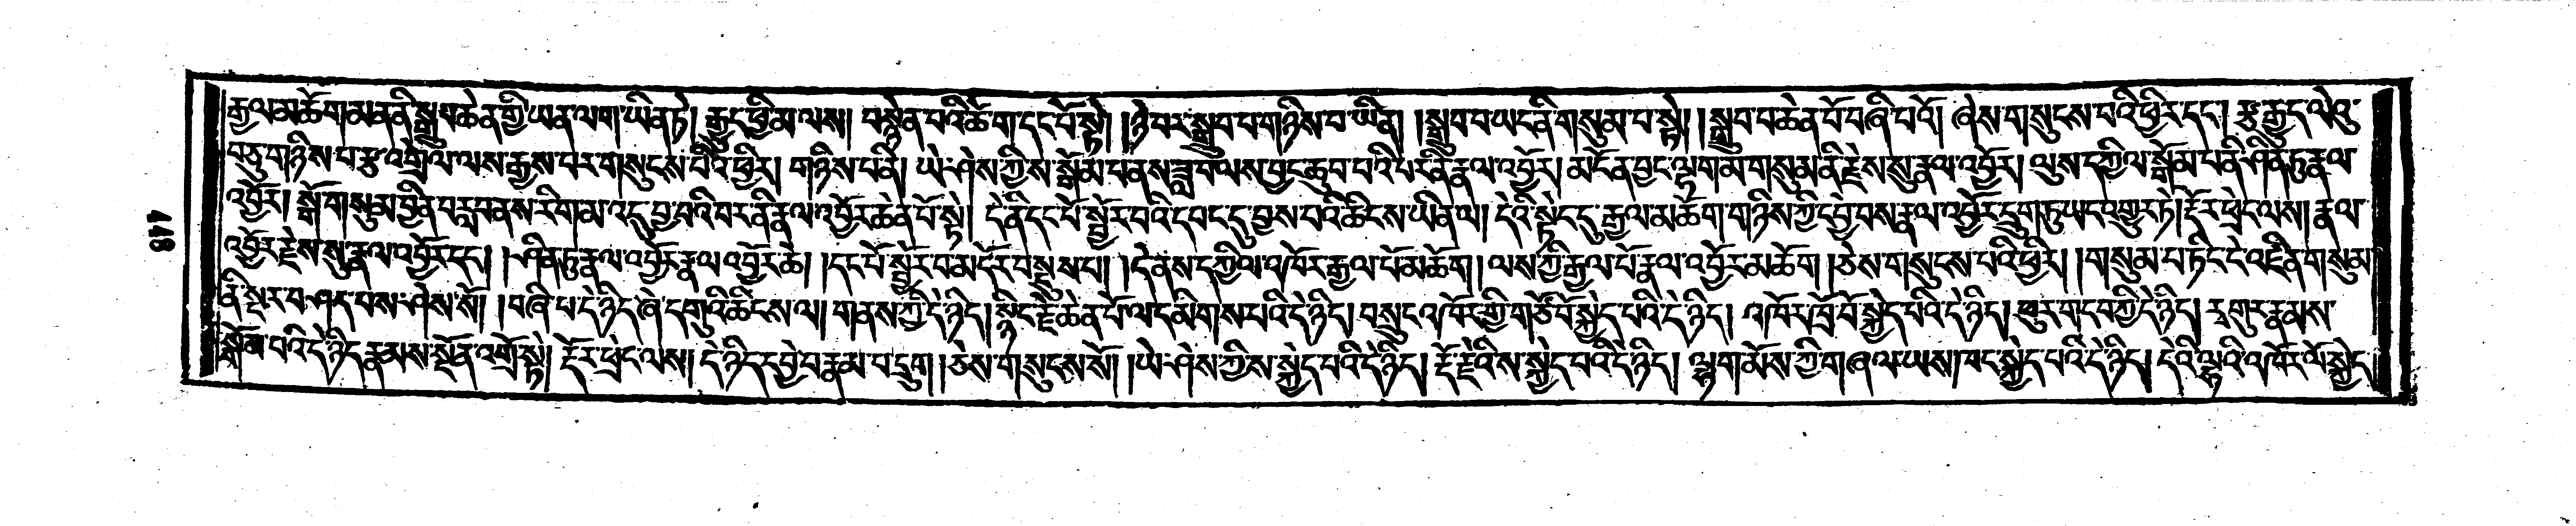རྒྱལ་མཆོག་མན་ནི་སྒྲུབ་ཆེན་གྱི་ཡན་ལག་ཡིན་ཏེ། རྒྱུད་ཕྱི་མ་ལས། བསྙེན་པའི་ཚིག་དང་པོ་སྟེ། །ཉེ་བར་སྒྲུབ་པ་གཉིས་པ་ཡིན། །སྒྲུབ་པ་ཡང་ནི་གསུམ་པ་སྟེ། །སྒྲུབ་པ་ཆེན་པོ་བཞི་པའོ། ཞེས་གསུངས་པའི་ཕྱིར་དང་། རྩ་རྒྱུད་ལེའུ་
བཅུ་གཉིས་པ་རྩ་འགྲེལ་ལས་རྒྱས་པར་གསུངས་པའི་ཕྱིར། གཉིས་པ་ནི། ཡེ་ཤེས་ཀྱིས་སྒོམ་པ་ནས་ཟླ་བ་ལས་བྱང་ཆུབ་པའི་བར་ནི་རྣལ་འབྱོར། མངོན་བྱང་ལྷག་མ་གསུམ་ནི་རྗེས་སུ་རྣལ་འབྱོར། ལུས་དཀྱིལ་སྒོམ་པ་ནི་ཤིན་ཏུ་རྣལ་
འབྱོར། སྒོ་གསུམ་བྱིན་བརླབ་ནས་རིག་མ་འདུ་བྱ་བའི་བར་ནི་རྣལ་འབྱོར་ཆེན་པོ་སྟེ། དེ་ནི་དང་པོ་སྦྱོར་བའི་དབང་དུ་བྱས་པའི་ཆིངས་ཡིན་ལ། དེའི་སྟེང་དུ་རྒྱལ་མཆོག་གཉིས་ཀྱི་དབྱེ་བས་རྣལ་འབྱོར་དྲུག་ཏུ་ཡང་འགྱུར་ཏེ། རྡོར་ཕྲེང་ལས། རྣལ་
འབྱོར་རྗེས་སུ་རྣལ་འབྱོར་དང་། །ཤིན་ཏུ་རྣལ་འབྱོར་རྣལ་འབྱོར་ཆེ། །དང་པོ་སྦྱོར་བ་མདོར་བསྡུས་པ། །དེ་ནས་དཀྱིལ་འཁོར་རྒྱལ་པོ་མཆོག །ལས་ཀྱི་རྒྱལ་པོ་རྣལ་འབྱོར་མཆོག །ཅེས་གསུངས་པའི་ཕྱིར། །གསུམ་པ་ཏིང་ངེ་འཛིན་གསུམ་
ནི་སྔར་བཤད་པས་ཤེས་སོ། །བཞི་པ་དེ་ཉིད་ཞེ་དགུའི་ཆིངས་ལ། གནས་ཀྱི་དེ་ཉིད། སྙིང་རྗེ་ཆེན་པོ་ལ་དམིགས་པའི་དེ་ཉིད། བསྲུང་འཁོར་གྱི་གཙོ་བོ་སྐྱེད་པའི་དེ་ཉིད། འཁོར་ཁྲོ་བོ་སྐྱེད་པའི་དེ་ཉིད། ཕུར་གདབ་ཀྱི་དེ་ཉིད། རྭ་གུར་རྣམས་
སྒོམ་པའི་དེ་ཉིད་རྣམས་སྔོན་འགྲོ་སྟེ། རྡོར་ཕྲེང་ལས། དེ་ཉིད་དབྱེ་བ་རྣམ་པ་དྲུག །ཅེས་གསུངས་སོ། །ཡེ་ཤེས་ཀྱི་ས་སྐྱེད་པའི་དེ་ཉིད། རྡོ་རྗེའི་ས་སྐྱེད་པའི་དེ་ཉིད། ལྷག་མོས་ཀྱི་གཞལ་ཡས་ཁང་སྐྱེད་པའི་དེ་ཉིད། དེའི་ལྷའི་འཁོར་ལོ་སྐྱེད་